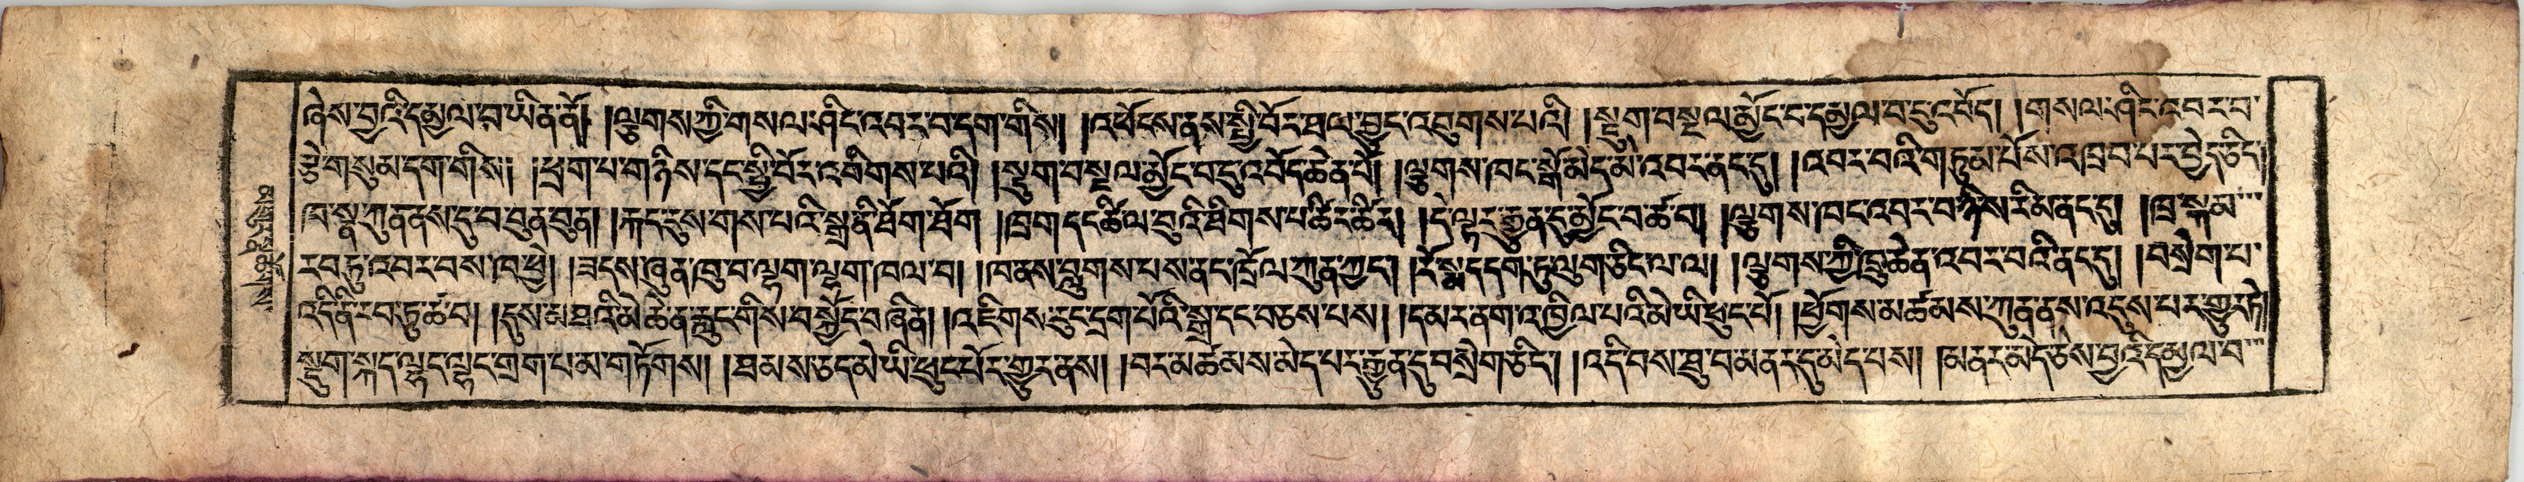ཞེས་བྱའི་དམྱལ་བ་ཡིན་ནོ། །ལྕགས་ཀྱི་གསལ་ཤིང་འབར་བ་དག་གིས། །འཕོངས་ནས་སྤྱི་བོར་ཐལ་བྱུང་འབུགས་པའི། །སྡུག་བསྔལ་མྱོང་བ་དམྱལ་བ་ངུ་འབོད། །གསལ་ཤིང་འབར་བ་
རྩེ་གསུམ་དག་གིས། །ཕྲག་པ་གཉིས་དང་སྤྱི་བོར་འབིགས་པའི། །སྡུག་བསྔལ་མྱོང་བརུ་འབོད་ཆེན་པོ། །ལྕགས་ཁང་སྒོ་མེད་མེ་འབར་ནང་དུ། །འབར་བའི་གཏུམ་པོས་འཁྲབ་པར་བྱེད་ཅིད། །
ཁ་སྣ་ཀུན་ནས་དུ་བ་བུན་བུན། །རྐང་དུས་གས་པའི་སྒྲ་ནི་ཐོག་ཐོག །ཁྲག་དང་ཚིལ་བུའི་ཐིགས་པ་ཚིར་ཚིར། །དེ་ལྟར་རྒྱུན་དུ་མྱོང་བ་ཚ་བ། །ལྕགས་ཁང་འབར་བ་ཉིས་རིམ་ནང་དུ། །ཁྲ་སྐམ་
རབ་ཏུ་འབར་བས་ཁ་ཕྱེ། །ཟངས་ཞུན་ཁུ་བ་ལྷག་ལྷག་ཁལ་བ། །ཁ་ནས་བླུགས་པས་ནང་གྲོལ་ཀུན་ཀྱང་། །རོ་སྨད་དག་ཏུ་ལུག་ཅིང་ལ་ལ། །ལྕགས་ཀྱི་ཁྲོ་ཆེན་འབར་བའི་ནང་དུ། །བསྲེག་པ་
འདི་ནི་རབ་ཏུ་ཚ་བ། །དུས་མཐའ་མེ་ཆེན་རླུང་གིས་བསྐྱོད་བཞིན། །འཇིགས་རུང་དྲག་པོའི་སྒྲ་དང་བཅས་པས། །དམར་ནག་འཁྱིལ་པའི་མེ་ཡི་ཕུང་པོ། །ཕྱོགས་མཚམས་ཀུན་ནས་འདུས་པར་གྱུར་ཏེ། །
སྡུག་སྐད་ལྷང་ལྷང་གྲག་པ་མ་གཏོགས། །ཐམས་ཅད་མེ་ཡི་ཕུང་པོར་གྱུར་ནས། །བར་མཚམས་མེད་པར་རྒྱུན་དུ་བསྲེག་ཅིང་། །འདི་བས་ཐུ་བ་མནར་དུ་མེད་པས། །མནར་མེད་ཅེས་བྱའི་དམྱལ་བ་